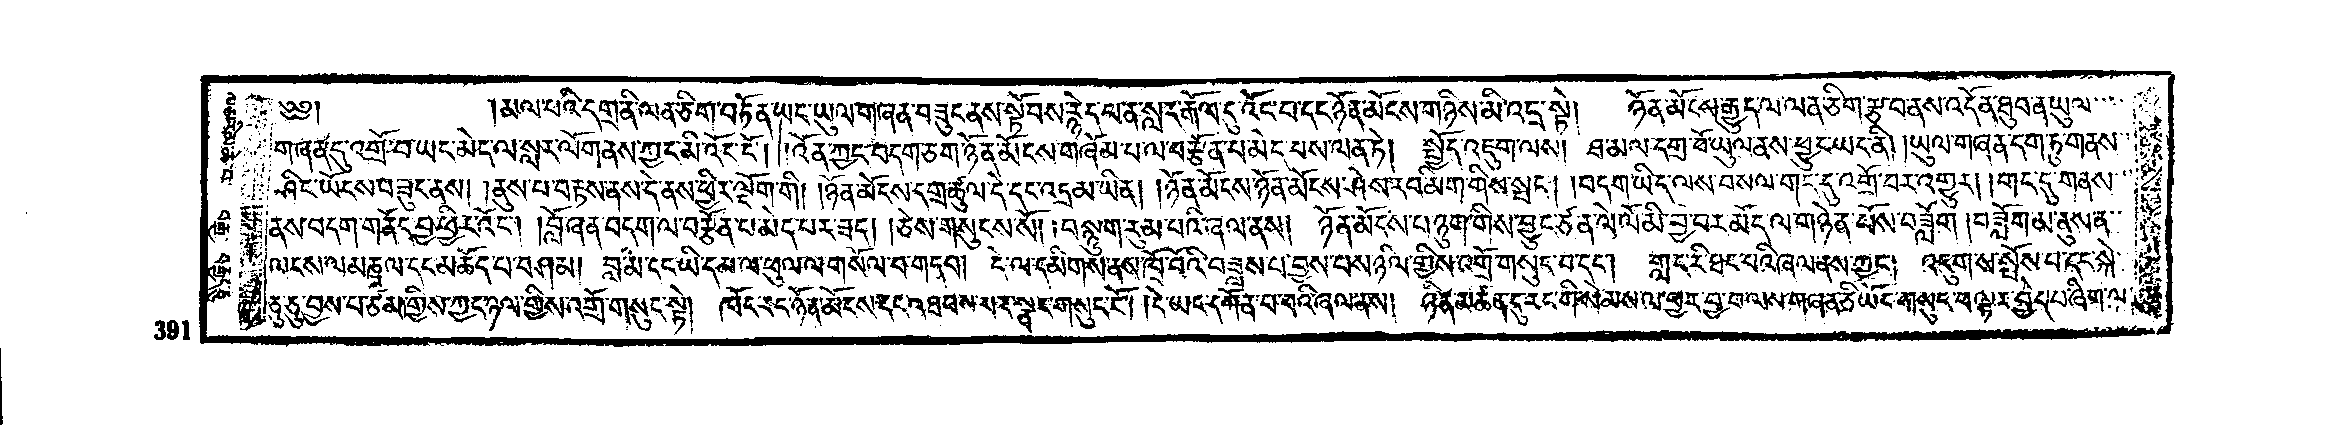༄༅། །མལ་པའི་དགྲ་ནི་ལན་ཅིག་བཏོན་ཡང་ཡུལ་གཞན་བཟུང་ནས་སྟོབས་རྙེད་པ་ན་སླར་རྒོལ་དུ་འོང་བ་དང་ཉོན་མོངས་གཉིས་མི་འདྲ་སྟེ། ཉོན་མོངས་རྒྱུད་ལ་ལན་ཅིག་རྩ་བ་ནས་འདོན་ཐུབ་ན་ཡུལ་
གཞན་དུ་འགྲོ་བ་ཡང་མེད་ལ་སླར་ལོག་ནས་ཀྱང་མི་འོང་ངོ། །འོན་ཀྱང་བདག་ཅག་ཉོན་མོངས་གཞོམ་པ་ལ་བརྩོན་པ་མེད་པས་ལན་ཏེ། སྤྱོད་འཇུག་ལས། ཐ་མལ་དགྲ་བོ་ཡུལ་ནས་ཕྱུང་ཡང་ནི། །ཡུལ་གཞན་དག་ཏུ་གནས་
ཤིང་ཡོངས་བཟུང་ནས། །ནུས་པ་བརྟས་ནས་དེ་ནས་ཕྱིར་ལྡོག་གི། །ཉོན་མོངས་དགྲ་ཚུལ་དེ་དང་འདྲ་མ་ཡིན། །ཉོན་མོངས་ཉོན་མོངས་ཤེས་རབ་མིག་གིས་སྤང་། །བདག་ཡིད་ལས་བསལ་གང་དུ་འགྲོ་བར་འགྱུར། །གང་དུ་གནས་
ནས་བདག་གནོད་བྱ་ཕྱིར་འོང་། །བློ་ཞན་བདག་ལ་བརྩོན་པ་མེད་པར་ཟད། །ཅེས་གསུངས་སོ། །བསྙུག་རུམ་པའི་ཞལ་ནས། ཉོན་མོངས་པ་ཉུག་གིས་བྱུང་ཙ་ན་ལེ་ལོ་མི་བྱ་བར་མོད་ལ་གཉེན་པོས་བཟློག །བཟློག་མ་ནུས་ན་
ལངས་ལ་མཎྜལ་དང་མཆོད་པ་བཤམ། བླ་མ་དང་ཡི་དམ་ལ་ཕུལ་ལ་གསོལ་བ་གདབ། དེ་ལ་དམིགས་ནས་ཁྲོ་བོའི་བཟླས་པ་བྱས་པས་ཉལ་གྱིས་འགྲོ་གསུང་བ་དང་། གླང་རི་ཐང་པའི་ཞལ་ནས་ཀྱང་། འདུག་ས་སྤོས་པ་དང་སྐེ་
ཅུ་ཅུ་བྱས་པ་ཙམ་གྱིས་ཀྱང་ཉལ་གྱིས་འགྲོ་གསུང་སྟེ། ཁོང་རང་ཉོན་མོངས་དང་འཐབས་པར་སྣང་གསུང་ངོ། །དེ་ཡང་དགེན་པ་བའི་ཞལ་ནས། ཉིན་མཚན་དུ་རང་གི་སེམས་ལ་བྱ་ར་བྱ་བ་ལས་གཞན་ཅི་ཡོད་གསུང་བ་ལྟར་བྱེད་པ་ཞིག་ལ་